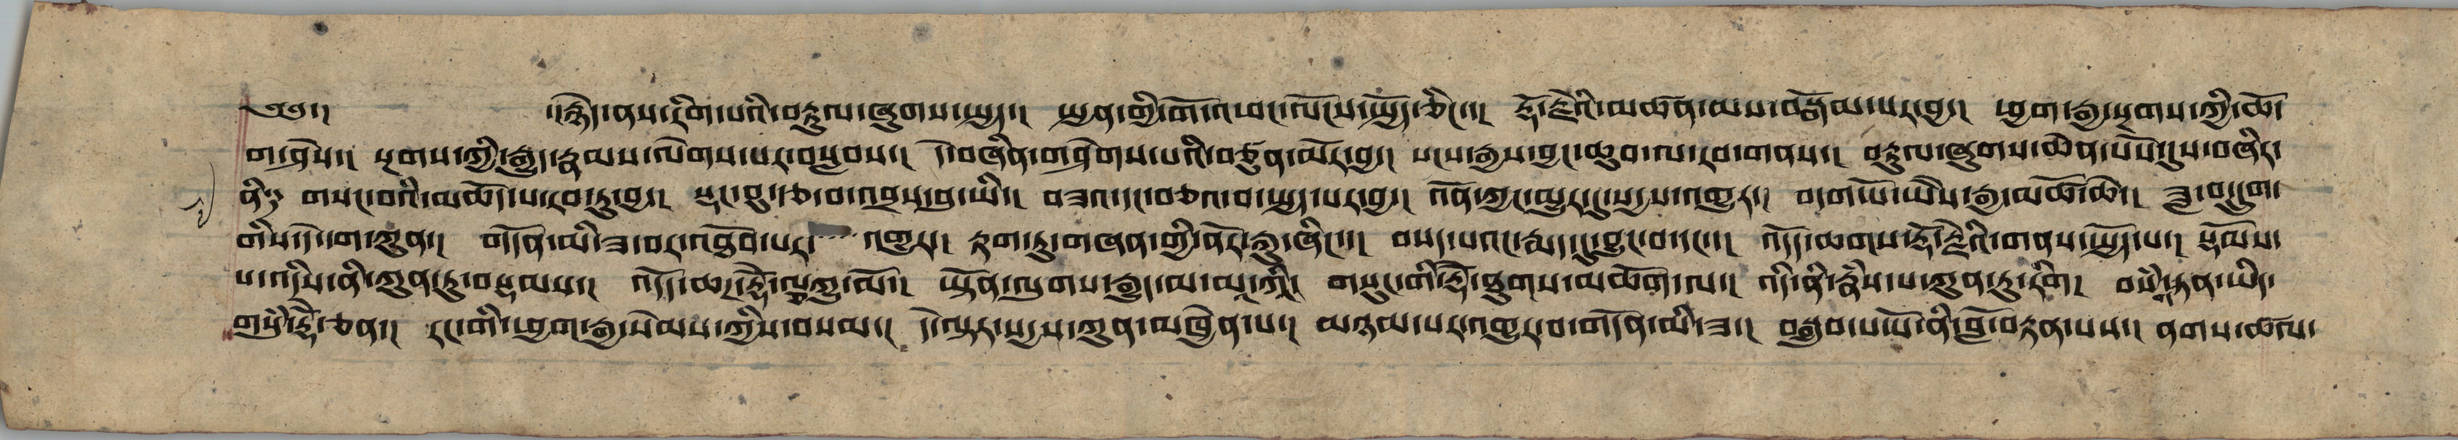༄༅་། ་།རྙེད་ནས་རིག་པའི་བརྟུལ་ཞུགས་སྤྱད་། སྤྱན་གྱི་གོ་འཕང་ལོངས་སྤྱོད་ཅིང་་། རྡོ་རྗེའི་མཚན་མས་བསྒོམ་པར་བྱ་། ཕྱག་རྒྱ་སྔགས་ཀྱི་ཆོ་
ག་ཤེས་། སྔགས་ཀྱི་རྒྱུད་རྣམས་ལེགས་པར་བསླབས་། དེ་བཞིན་གཤེགས་པའི་བཙུན་མོར་བྱ་། སངས་རྒྱས་བྱང་ཆུབ་ལ་རབ་གནས་། བརྟུལ་ཞུགས་ཆེན་པོས་དུས་བཞིར་
ནི༑ གསང་བའི་མཆོད་པ་རབ་ཏུ་བྱ་། སྡང་བུ་རྩ་བ་འབྲས་བུ་ཡི་། བཟའ་དང་བཅའ་བ་སྤྱད་པར་བྱ་། འོན་ཀྱང་མྱུར་དུ་སདྱས་འགྱུར་། བདག་པོ་ཡཻས་རྒྱ་མཚོ་ཆེ་། ཟླ་བ་དྲུག་
གིས་དེ་དག་ཀུན་། གདོན་མི་ཟ་བར་འཐོབ་པར་ འགྱུར་། རྟག་ཏུ་གཞན་གྱི་ནོར་རྐུ་ཞིང་་། བསད་པའང་རྨད་དུ་བྱུང་བ་དང་་། འདོད་ཆགས་རྡོ་རྗེའི་གནས་སྤྱོད་པ་། སྡོམས་
པ་འདིས་ནི་ཀུན་ཏུ་བསྡམས་། འདོད་ཆཌ་རྡོེ་ལྕཀྱུ་མོ་། ཡྟོན་ལུགས་རྒྱུད་མ་མཱ་ཀཱི། གསུང་གི་རྡོེ་ཐུགས་མཆོག་ལ་། འདི་ནི་རྣཾས་པ་ཀུན་ཏུ་རིག། བསཾ་གཏན་ཡིད་
གསུཾ་རྡོེ་ཅན་། རང་གི་ཕྱག་རྒྱ་སེམས་ཀྱིས་བསམ་། དེ་ལྟར་སདྱས་ཀུན་མཁྱེན་པ་། མཉམ་པར་འགྱུར་བ་གདོན་མི་ཟ་། བསྒྲུབ་པ་པོ་ནི་བློ་བརྟན་པས་། ནགས་ཚལ་